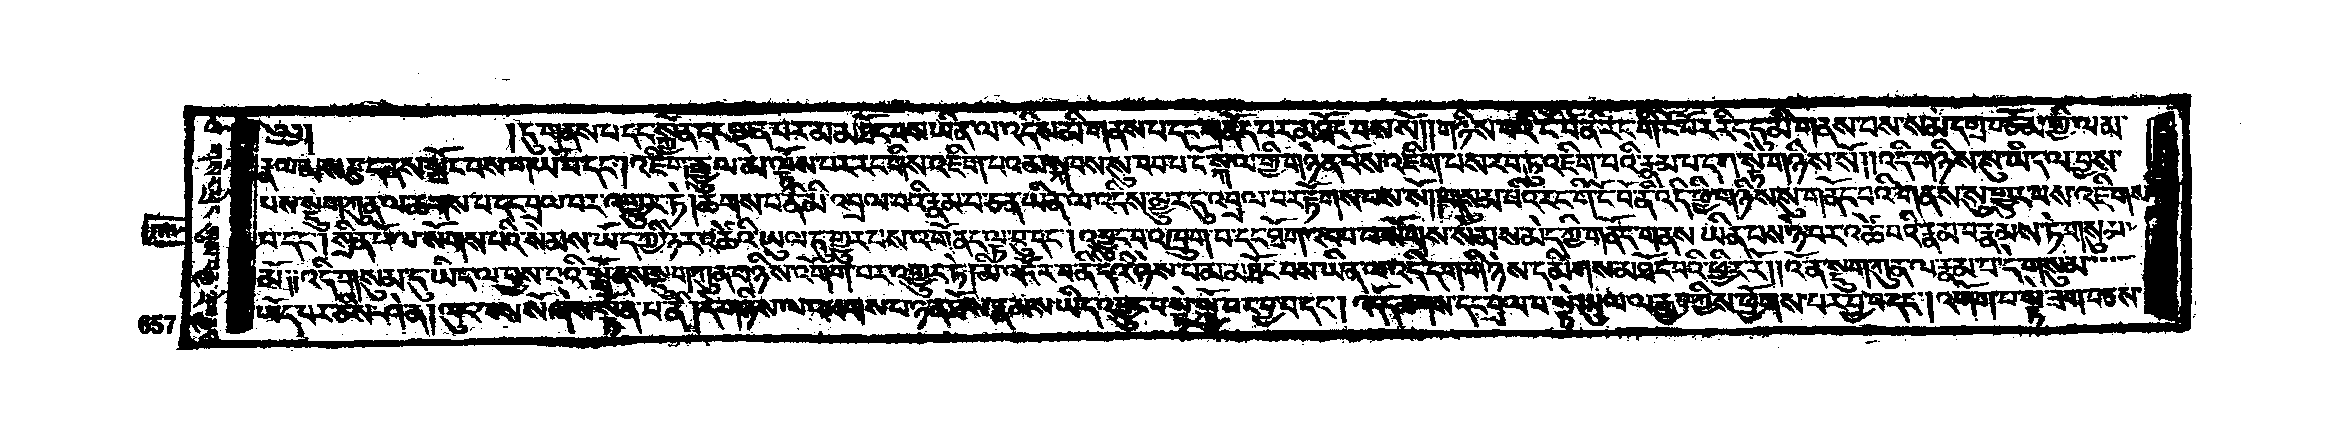༄༅། །དུ་གནས་པ་དང་སྐྱོན་དང་ལྡན་པར་མ་མཐོང་བས་ཡིན་ལ་འདིས་མི་གནས་པ་དང་གནོད་པར་མཐོང་བས་སོ། །གཉིས་པའི་ངོ་བོ་ནི་རང་གི་ངོ་བོར་རིང་དུ་མི་གནས་པས་སམ་དགྲ་བཅོམ་གྱི་ལམ་
རྣལ་མས་རྩད་ནས་སྤོང་བས་གཡོ་བ་དང་། འཇིག་རྒྱུ་ལ་མ་ལྟོས་པར་རང་གིས་འཇིག་པའམ་སྐབས་སུ་བབ་པ་ངོ་སྐལ་གྱི་གཉེན་པོས་འཇིག་པས་རབ་ཏུ་འཇིག་པའི་རྣམ་པ་དག་སྟེ་གཉིས་སོ། །འདི་གཉིས་སུ་ཡིད་ལ་བྱས་
པས་སྡུག་ཀུན་ལ་ཆགས་པ་དང་བྲལ་བར་འགྱུར་ཏེ། ཆགས་པ་ནི་མི་འབྲལ་བའི་རྣམ་པ་ཅན་ཡིན་ལ་འདིས་མྱུར་དུ་འབྲལ་བར་རྟོགས་པས་སོ། །གསུམ་པའི་རང་གི་ངོ་བོ་ནི་འདི་ཕྱི་གཉིས་སུ་གནོད་པའི་གནས་སུ་གྱུར་པས་འཇིགས་
པ་དང་། སྲིན་པོ་ལ་སོགས་པའི་སེམས་ཡོད་ཀྱི་ཉེར་འཚེའི་ཡུལ་དུ་གྱུར་པས་འགོ་ནང་ལྟ་བུ་དང་། འབྱུང་བ་འཁྲུག་པ་དང་ཐོག་འབབ་པ་སོགས་སེམས་མེད་ཀྱི་གནོད་གནས་ཡིན་པས་ཉེ་བར་འཚེ་བའི་རྣམ་པ་རྣམས་ཏེ་གསུམ་
མོ༑ ༑འདི་གསུམ་དུ་ཡིད་ལ་བྱས་པའི་སྒོ་ནས་སྡུག་ཀུན་གཉིས་འགོག་པར་འགྱུར་ཏེ། མི་འདོར་བ་ནི་དེའི་ཉེས་པ་མ་མཐོང་བས་ཡིན་ལ་འདི་དག་གི་ཉེས་དམིགས་མཐོང་བའི་ཕྱིར་རོ། །འོ་ན་སྡུག་ཀུན་ལ་རྣམ་པ་དེ་གསུམ་
ཡོད་པར་ཅིས་ཤེ་ན། ལུང་ལས་སོ་ཞེས་སྟོན་པ་ནི། དེ་གཉིས་ལ་འཕགས་པ་ཉན་ཐོས་རྣམས་ཡིད་འབྱུང་བ་སྟེ་སྐྱོ་བར་བྱ་བ་དང་། འདོད་ཆགས་དང་བྲལ་བ་སྟེ་ཡུལ་ལ་རྒྱབ་ཀྱིས་ཕྱོགས་པར་བྱ་བ་དང་། འགོག་པ་སྟེ་ཟག་བཅས་